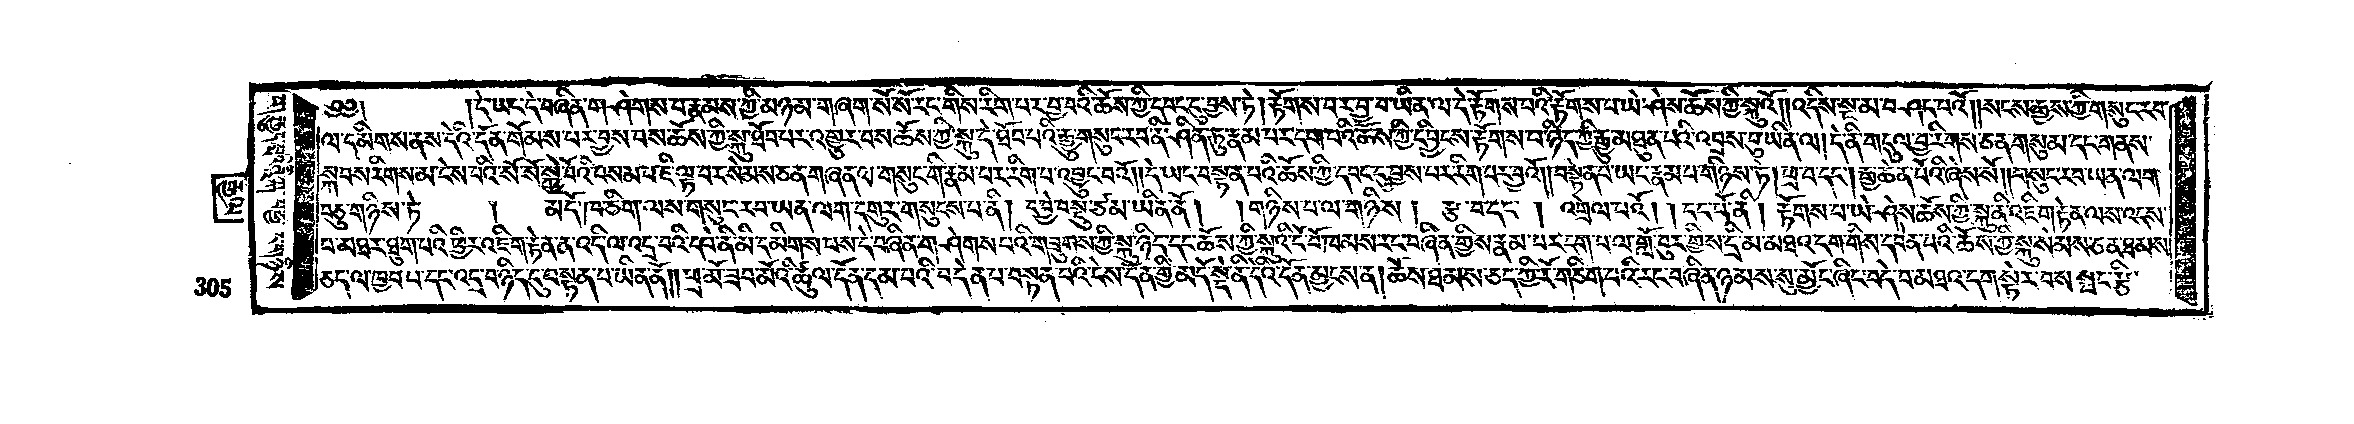༄༅། །དེ་ཡང་དེ་བཞིན་གཤེགས་པ་རྣམས་ཀྱི་མཉམ་གཞག་སོ་སོ་རང་གིས་རིག་པར་བྱ་བའི་ཆོས་ཀྱི་དབང་དུ་བྱས་ཏེ། རྟོགས་པར་བྱ་བ་ཡིན་ལ་དེ་རྟོགས་པའི་རྟོགས་པ་ཡེ་ཤེས་ཆོས་ཀྱི་སྐུའོ། །འདིས་སྔ་མ་བཤད་པའོ། །སངས་རྒྱས་ཀྱི་གསུང་རབ་
ལ་དམིགས་ནས་དེའི་དོན་གོམས་པར་བྱས་པས་ཆོས་ཀྱི་སྐུ་ཐོབ་པར་འགྱུར་བས་ཆོས་ཀྱི་སྐུ་དེ་ཐོབ་པའི་རྒྱུ་གསུང་རབ་ནི་ཤིན་ཏུ་རྣམ་པར་དག་པའི་ཆོས་ཀྱི་དབྱིངས་རྟོགས་པ་ཉིད་ཀྱི་རྒྱུ་མཐུན་པའི་འབྲས་བུ་ཡིན་ལ། དེ་ནི་གདུལ་བྱ་རིགས་ཅན་གསུམ་དང་གནས་
སྐབས་རིགས་མ་ངེས་པའི་སོ་སོ་སྐྱེ་བོའི་བསམ་པ་ཇི་ལྟ་བར་སེམས་ཅན་གཞན་ལ་གསུང་གི་རྣམ་པར་རིག་པ་འབྱུང་བའོ། །དེ་ཡང་བསྟན་པའི་ཆོས་ཀྱི་དབང་དུ་བྱས་པར་རིག་པར་བྱའོ། །བསྟེན་པ་ཡང་རྣམ་པ་གཉིས་ཏེ། ཕྲ་བ་དང་། རྒྱ་ཆེན་པོའི་ཞེས་སོ། །གསུང་རབ་ཡན་ལག་
བཅུ་གཉིས་ཏེ། །མདོ་ཁ་ཅིག་ལས་གསུང་རབ་ཡན་ལག་དགུར་གསུངས་པ་ནི། དབྱེ་བསྡུ་ཙམ་ཡིན་ནོ། །གཉིས་པ་ལ་གཉིས། རྩ་བ་དང་། འགྲེལ་པའོ། །དང་པོ་ནི། རྟོགས་པ་ཡེ་ཤེས་ཆོས་ཀྱི་སྐུ་ནི་འཇིག་རྟེན་ལས་འདས་
པ་མཐར་ཐུག་པའི་ཕྱིར་འཇིག་རྟེན་ན་འདི་ལ་འདྲ་བའི་དཔེ་ནི་མི་དམིགས་པས་དེ་བཞིན་གཤེགས་པའི་གཟུགས་ཀྱི་སྐུ་ཉིད་དང་ཆོས་ཀྱི་སྐུའི་ངོ་བོ་ཁམས་རང་བཞིན་གྱིས་རྣམ་པར་དག་པ་ལ་གློ་བུར་གྱིས་དྲི་མ་མཐའ་དག་གིས་དབེན་པའི་ཆོས་ཀྱི་སྐུ་སེམས་ཅན་ཐམས་
ཅད་ལ་ཁྱབ་པ་དང་འདྲ་བ་ཉིད་དུ་བསྟན་པ་ཡིན་ནོ། །ཕྲ་མོ་ཟབ་མོའི་ཚུལ་དོན་དམ་པའི་བདེན་པ་བསྟན་པའི་ངེས་དོན་གྱི་མདོ་སྡེ་ནི་དེའི་དོན་མྱངས་ན། ཆོས་ཐམས་ཅད་ཀྱི་རོ་གཅིག་པའི་རང་བཞིན་ཉམས་སུ་མྱོང་ཞིང་བདེ་བ་མཐའ་དག་སྟེར་པས་སྤང་རྩི་